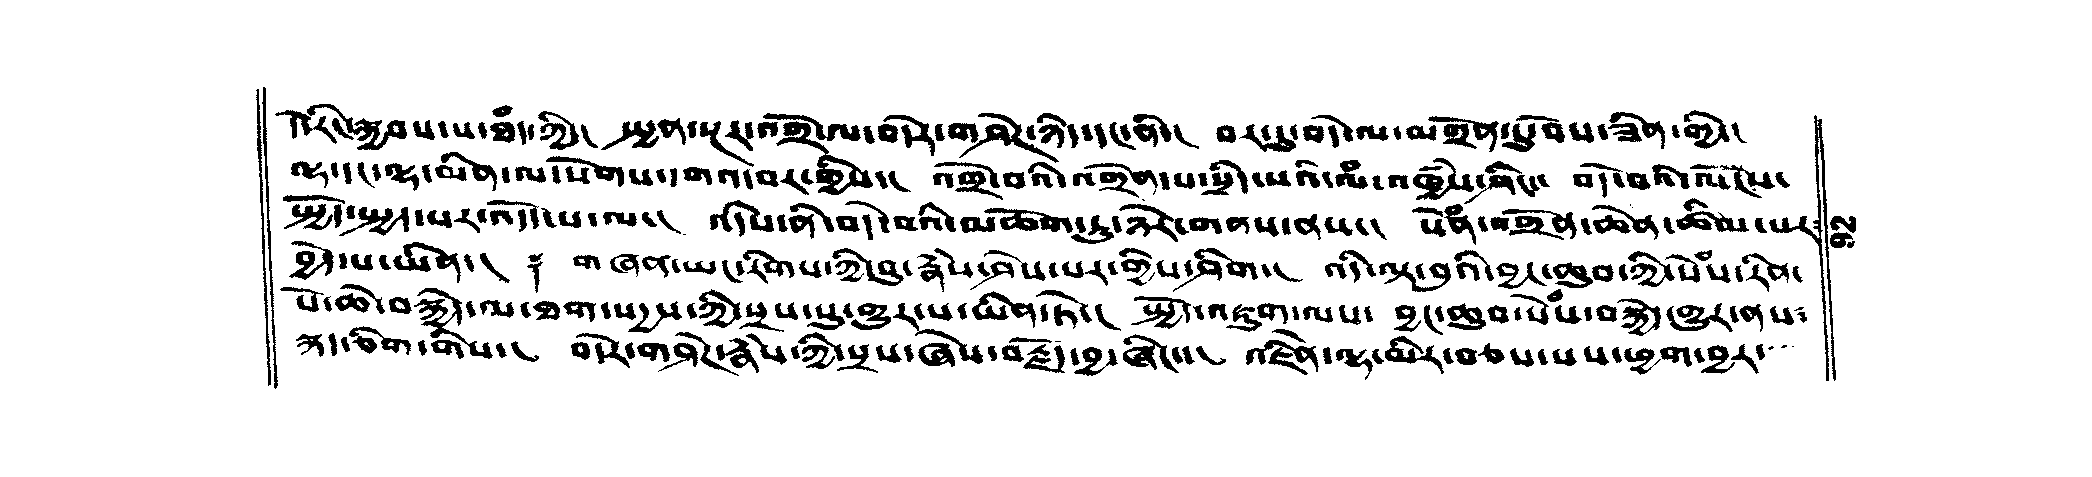དེ་རིང་སྐྱབས་པ་ཐམས་ཅད་ཀྱི། སྤྱན་སྔར་འགྲོ་ལ་བདེ་གཤེགས་ཉིད་དང་ནི། བར་དུ་བདེ་ལ་མགྲོན་དུ་བོས་ཟིན་གྱི། 
ལྷ་དང་ལྷ་མིན་ལ་སོགས་དགའ་བར་གྱིས། འགྲོ་བའི་འགྲོན་པ་སྲིད་པའི་ལམ་འཁྱམས་ཤིང་། བདེ་བའི་ལོངས་
སྤྱོད་སྤྱད་པར་འདོད་པ་ལ། འདིས་ནི་བདེ་བའི་མཆོག་ཏུ་ཉེར་གནས་ནས། སེམས་ཅན་འགྲོན་ཆེན་ཚིམ་པར་
བྱེད་པ་ཡིན། ༈ གཞན་ཡང་རིགས་ཀྱི་བུ་རྣམས་ཤེས་པར་གྱིས་ཤིག འདི་ལྟ་བུའི་བྱང་ཆུབ་ཀྱི་སེམས་རིན་
པོ་ཆེ་བསྐྱེད་མ་ཐག་སངས་རྒྱས་ཀྱི་སྲས་སུ་གྱུར་པ་ཡིན་ཏེ།སྤྱོད་འཇུག་ལས། བྱང་ཆུབ་སེམས་བསྐྱེད་གྱུར་ནས་
སྐད་ཅིག་གིས། བདེ་གཤེགས་རྣམས་ཀྱི་སྲས་ཞེས་བརྗོད་བྱ་ཞིང་། འཇིག་རྟེན་ལྷ་མིར་བཅས་པས་ཕྱག་བྱར་